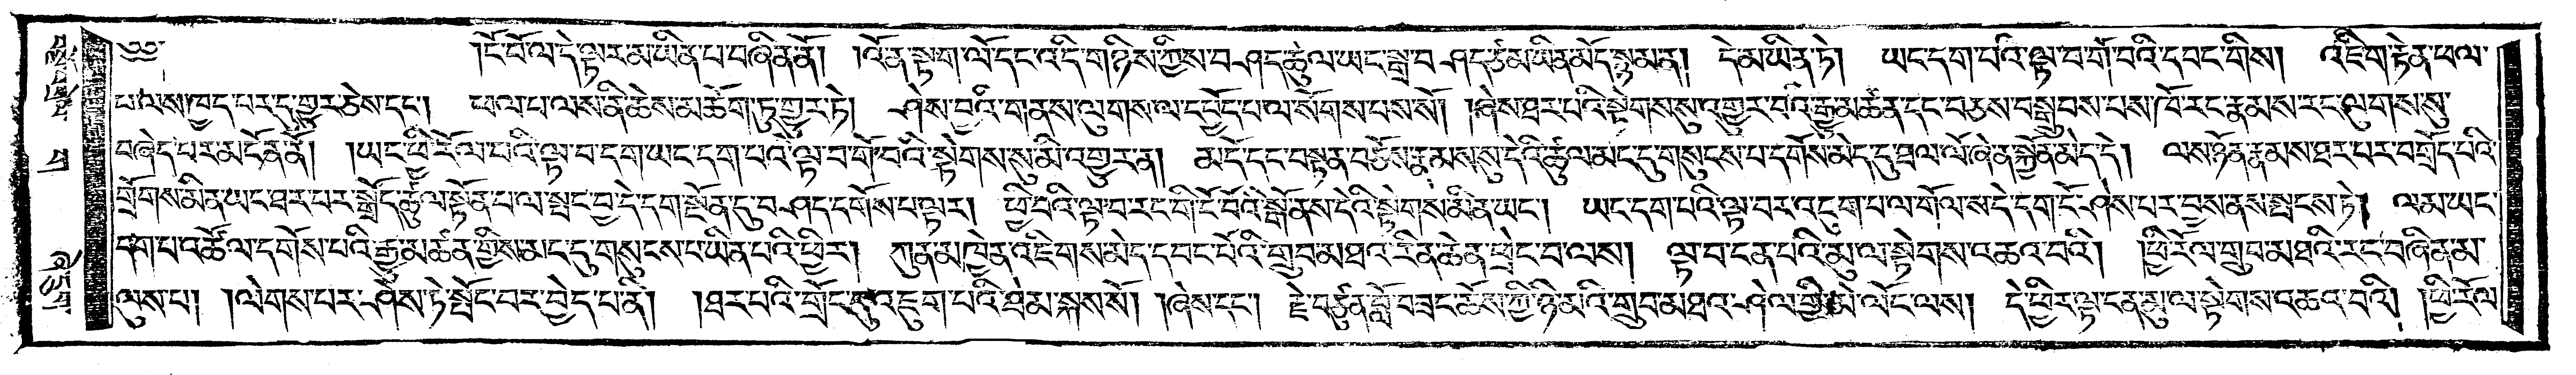༄༅། །ངོ་བོ་ལ་དེ་ལྟར་མ་ཡིན་པ་བཞིན་ནོ། །འོ་ན་སྟག་ལོ་དང་འདི་གཉིས་ཀྱིས་བཤད་ཚུལ་ཡང་སྒྲ་བཤད་ཙམ་ཡིན་མོད་སྙམ་ན། དེ་མ་ཡིན་ཏེ། ཡང་དག་པའི་ལྟ་བ་གོ་བའི་དབང་གིས། འཇིག་རྟེན་ལས་
པ་ལས་ཁྱད་པར་དུ་གྱུར་ཅེས་དང་། ཕལ་པ་ལས་ནི་ཆེས་མཆོག་ཏུ་གྱུར་ཏེ། ཤེས་བྱའི་གནས་ལུགས་ལ་དཔྱོད་པ་ལ་སོགས་པས་སོ། །ཞེས་ཐར་པའི་སྟེགས་སུ་འགྱུར་བའི་རྒྱུ་མཚན་དང་བཅས་བསྒྲུབས་པས་ཁོ་རང་རྣམས་རང་ལུགས་སུ་
བཞེད་པར་མངོན་ནོ། །ཡང་ཕྱི་རོལ་བའི་ལྟ་བ་དག་ཡང་དག་པའི་ལྟ་བ་གོ་བའི་སྟེགས་སུ་མི་འགྱུར་ན། མདོ་དང་བསྟན་བཅོས་རྣམས་སུ་དེའི་ཚུལ་མང་དུ་གསུངས་པ་དགོས་མེད་དུ་ཐལ་ལོ་ཞེ་ན་སྐྱོན་མེད་དེ། ལས་ཉོན་རྣམས་ཐར་པར་བགྲོད་པའི་
གྲོགས་མིན་ཡང་ཐར་པར་སྒྲོད་ཚུལ་སྟོན་པ་ལ་སྤང་བྱ་དེ་དག་སྔོན་དུ་བཤད་དགོས་པ་ལྟར། ཕྱི་བའི་ལྟ་བ་རང་གི་ངོ་བོའི་སྒོ་ནས་དེའི་སྟེགས་མིན་ཡང་། ཡང་དག་པའི་ལྟ་བར་འཇུག་པ་ལ་གོལ་ས་དེ་དག་ངོ་ཤེས་པར་བྱས་ནས་སྤངས་ཏེ། ལམ་ཡང་
དག་པ་འཚོལ་དགོས་པའི་རྒྱུ་མཚན་གྱིས་མང་དུ་གསུངས་པ་ཡིན་པའི་ཕྱིར། ཀུན་མཁྱེན་འཇིགས་མེད་དབང་པོའི་གྲུབ་མཐའ་རིན་ཆེན་ཕྲེང་བ་ལས། ལྟ་བ་ངན་པའི་མུ་ལ་སྟེགས་འཆའ་བའི། །ཕྱི་རོལ་གྲུབ་མཐའི་རང་བཞིན་མ་
ལུས་པ། །ལེགས་པར་ཤེས་ཏེ་སྤོང་བར་བྱེད་པ་ནི། །ཐར་པའི་གྲོང་དུ་འཇུག་པའི་ཐེམ་སྐས་སོ། །ཞེས་དང་། རྗེ་བཙུན་བློ་བཟང་ཆོས་ཀྱི་ཉི་མའི་གྲུབ་མཐའ་ཤེལ་གྱི་མེ་ལོང་ལས། དེ་ཕྱིར་ལྟ་ངན་མུ་ལ་སྟེགས་འཆའ་བའི། །ཕྱི་རོལ་